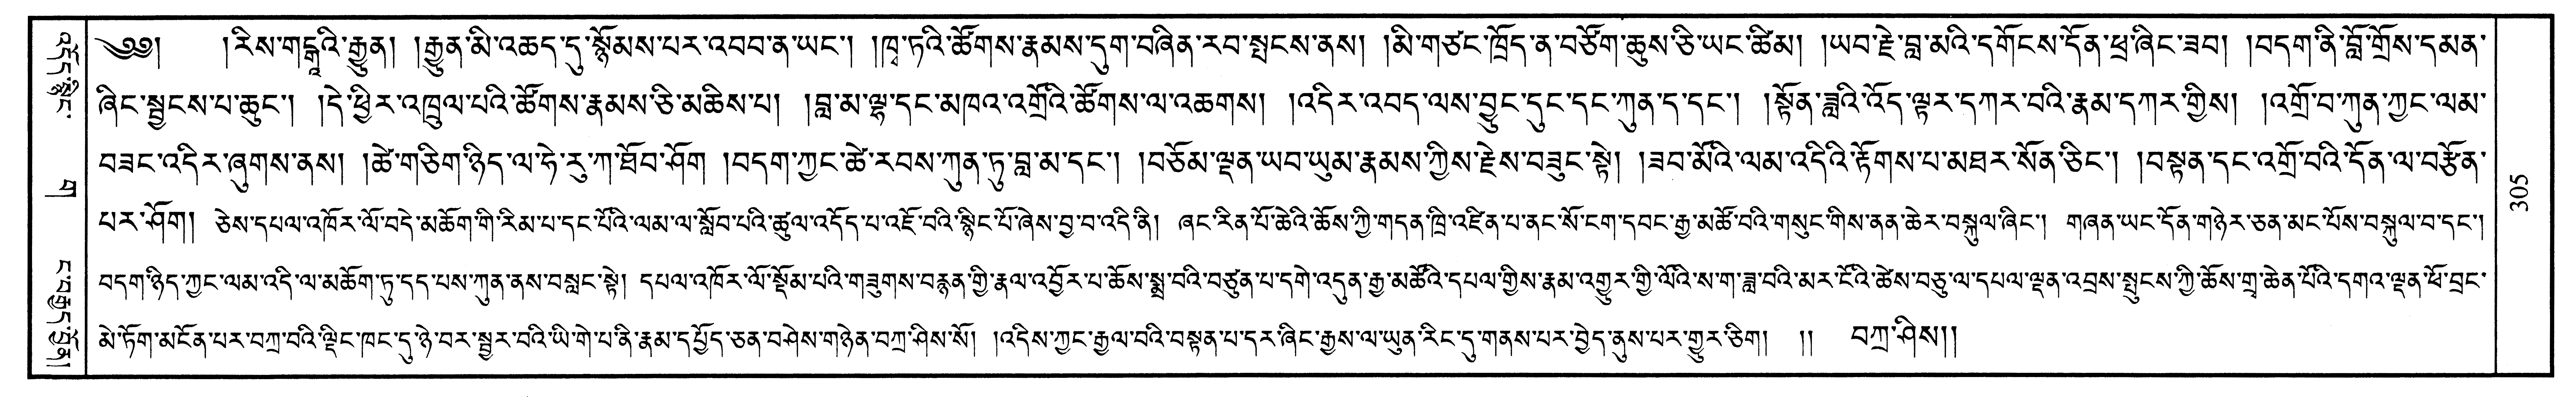༄༅། །རིས་གངྒཱའི་རྒྱུན། །རྒྱུན་མི་འཆད་དུ་སྙོམས་པར་འབབ་ན་ཡང་། །ཁྭ་ཏའི་ཚོགས་རྣམས་དུག་བཞིན་རབ་སྤངས་ནས། །མི་གཙང་ཁྲོད་ན་བཙོག་ཆུས་ཅི་ཡང་ཚིམ། །ཡབ་རྗེ་བླ་མའི་དགོངས་དོན་ཕྲ་ཞིང་ཟབ། །བདག་ནི་བློ་གྲོས་དམན་
ཞིང་སྦྱངས་པ་ཆུང་། །དེ་ཕྱིར་འཁྲུལ་པའི་ཚོགས་རྣམས་ཅི་མཆིས་པ། །བླ་མ་ལྷ་དང་མཁའ་འགྲོའི་ཚོགས་ལ་འཆགས། །འདིར་འབད་ལས་བྱུང་དུང་དང་ཀུན་ད་དང་། །སྟོན་ཟླའི་འོད་ལྟར་དཀར་བའི་རྣམ་དཀར་གྱིས། །འགྲོ་བ་ཀུན་ཀྱང་ལམ་
བཟང་འདིར་ཞུགས་ནས། །ཚེ་གཅིག་ཉིད་ལ་ཧེ་རུ་ཀ་ཐོབ་ཤོག །བདག་ཀྱང་ཚེ་རབས་ཀུན་ཏུ་བླ་མ་དང་། །བཅོམ་ལྡན་ཡབ་ཡུམ་རྣམས་ཀྱིས་རྗེས་བཟུང་སྟེ། །ཟབ་མོའི་ལམ་འདིའི་རྟོགས་པ་མཐར་སོན་ཅིང་། །བསྟན་དང་འགྲོ་བའི་དོན་ལ་བརྩོན་
པར་ཤོག། ཅེས་དཔལ་འཁོར་ལོ་བདེ་མཆོག་གི་རིམ་པ་དང་པོའི་ལམ་ལ་སློབ་པའི་ཚུལ་འདོད་པ་འཇོ་བའི་སྙིང་པོ་ཞེས་བྱ་བ་འདི་ནི། ཞང་རིན་པོ་ཆེའི་ཆོས་ཀྱི་གདན་ཁྲི་འཛིན་པ་ནང་སོ་ངག་དབང་རྒྱ་མཚོ་བའི་གསུང་གིས་ནན་ཆེར་བསྐུལ་ཞིང་། གཞན་ཡང་དོན་གཉེར་ཅན་མང་པོས་བསྐུལ་བ་དང་།
བདག་ཉིད་ཀྱང་ལམ་འདི་ལ་མཆོག་ཏུ་དད་པས་ཀུན་ནས་བསླང་སྟེ། དཔལ་འཁོར་ལོ་སྡོམ་པའི་གཟུགས་བརྙན་གྱི་རྣལ་འབྱོར་པ་ཆོས་སྨྲ་བའི་བཙུན་པ་དགེ་འདུན་རྒྱ་མཚོའི་དཔལ་གྱིས་རྣམ་འགྱུར་གྱི་ལོའི་ས་ག་ཟླ་བའི་མར་ངོའི་ཚེས་བཅུ་ལ་དཔལ་ལྡན་འབྲས་སྤུངས་ཀྱི་ཆོས་གྲྭ་ཆེན་པོའི་དགའ་ལྡན་ཕོ་བྲང་
མེ་ཏོག་མངོན་པར་བཀྲ་བའི་ལྡིང་ཁང་དུ་ཉེ་བར་སྦྱར་བའི་ཡི་གེ་པ་ནི་རྣམ་དཔྱོད་ཅན་བཤེས་གཉེན་བཀྲ་ཤིས་སོ། །འདིས་ཀྱང་རྒྱལ་བའི་བསྟན་པ་དར་ཞིང་རྒྱས་ལ་ཡུན་རིང་དུ་གནས་པར་བྱེད་ནུས་པར་གྱུར་ཅིག། །།བཀྲ་ཤིས།།